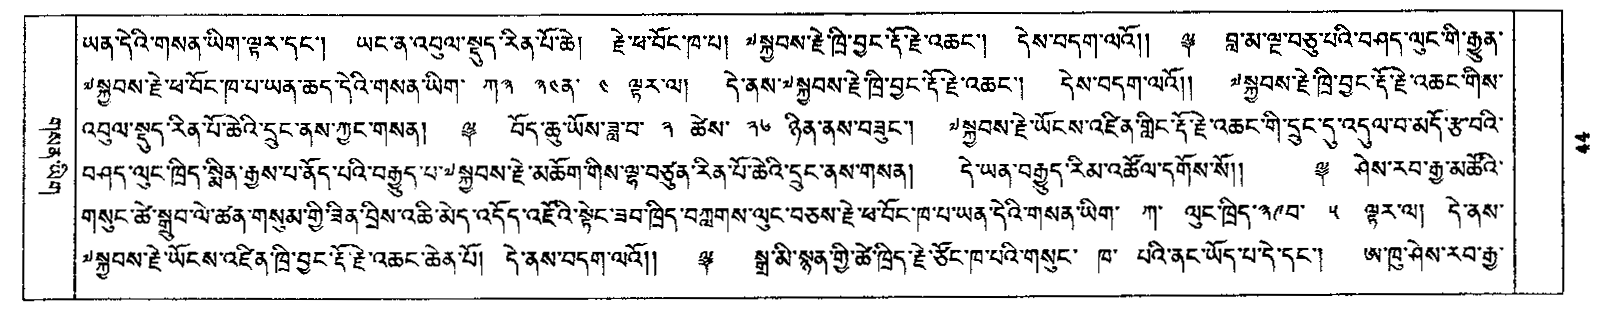ཡན་དེའི་གསན་ཡིག་ལྟར་དང་། ཡང་ན་འབུལ་སྡུད་རིན་པོ་ཆེ། རྗེ་ཕ་བོང་ཁ་པ། ༧སྐྱབས་རྗེ་ཁྲི་བྱང་རྡོ་རྗེ་འཆང་། དེས་བདག་ལའོ།། ༈ བླ་མ་ལྔ་བཅུ་པའི་བཤད་ལུང་གི་རྒྱུན་
༧སྐྱབས་རྗེ་ཕ་བོང་ཁ་པ་ཡན་ཆད་དེའི་གསན་ཡིག་ཀ ༣ ༣༤་ན ༤་ལྟར་ལ། དེ་ནས་༧སྐྱབས་རྗེ་ཁྲི་བྱང་རྡོ་རྗེ་འཆང་། དེས་བདག་ལའོ།། ༧སྐྱབས་རྗེ་ཁྲི་བྱང་རྡོ་རྗེ་འཆང་གིས་
འབུལ་སྡུད་རིན་པོ་ཆེའི་དྲུང་ནས་ཀྱང་གསན། ༈ བོད་ཆུ་ཡོས་ཟླ་བ ༢་ཚེས ༢༦་ཉིན་ནས་བཟུང་། ༧སྐྱབས་རྗེ་ཡོངས་འཛིན་གླིང་རྡོ་རྗེ་འཆང་གི་དྲུང་དུ་འདུལ་བ་མདོ་རྩ་བའི་
བཤད་ལུང་ཁྲིད་སྨིན་རྒྱས་པ་ནོད་པའི་བརྒྱུད་པ་༧སྐྱབས་རྗེ་མཆོག་གིས་ལྷ་བརྩུན་རིན་པོ་ཆེའི་དྲུང་ནས་གསན། དེ་ཡན་བརྒྱུད་རིམ་འཚོལ་དགོས་སོ།། ༈ ཤེས་རབ་རྒྱ་མཚོའི་
གསུང་ཚེ་སྒྲུབ་ལེ་ཚན་གསུམ་གྱི་ཟིན་བྲིས་འཆི་མེད་འདོད་འཇོའི་སྟེང་ཟབ་ཁྲིད་བཀླགས་ལུང་བཅས་རྗེ་ཕ་བོང་ཁ་པ་ཡན་དེའི་གསན་ཡིག་ཀ་ལུང་ཁྲིད ༣༩་བ ༥་ལྟར་ལ། དེ་ནས་
༧སྐྱབས་རྗེ་ཡོངས་འཛིན་ཁྲི་བྱང་རྡོ་རྗེ་འཆང་ཆེན་པོ། དེ་ནས་བདག་ལའོ།། ༈ སྒྲ་མི་སྙན་གྱི་ཚེ་ཁྲིད་རྗེ་ཙོང་ཁ་པའི་གསུང་ཁ་པའི་ནང་ཡོད་པ་དེ་དང་། ཨ་ཁུ་ཤེས་རབ་རྒྱ་